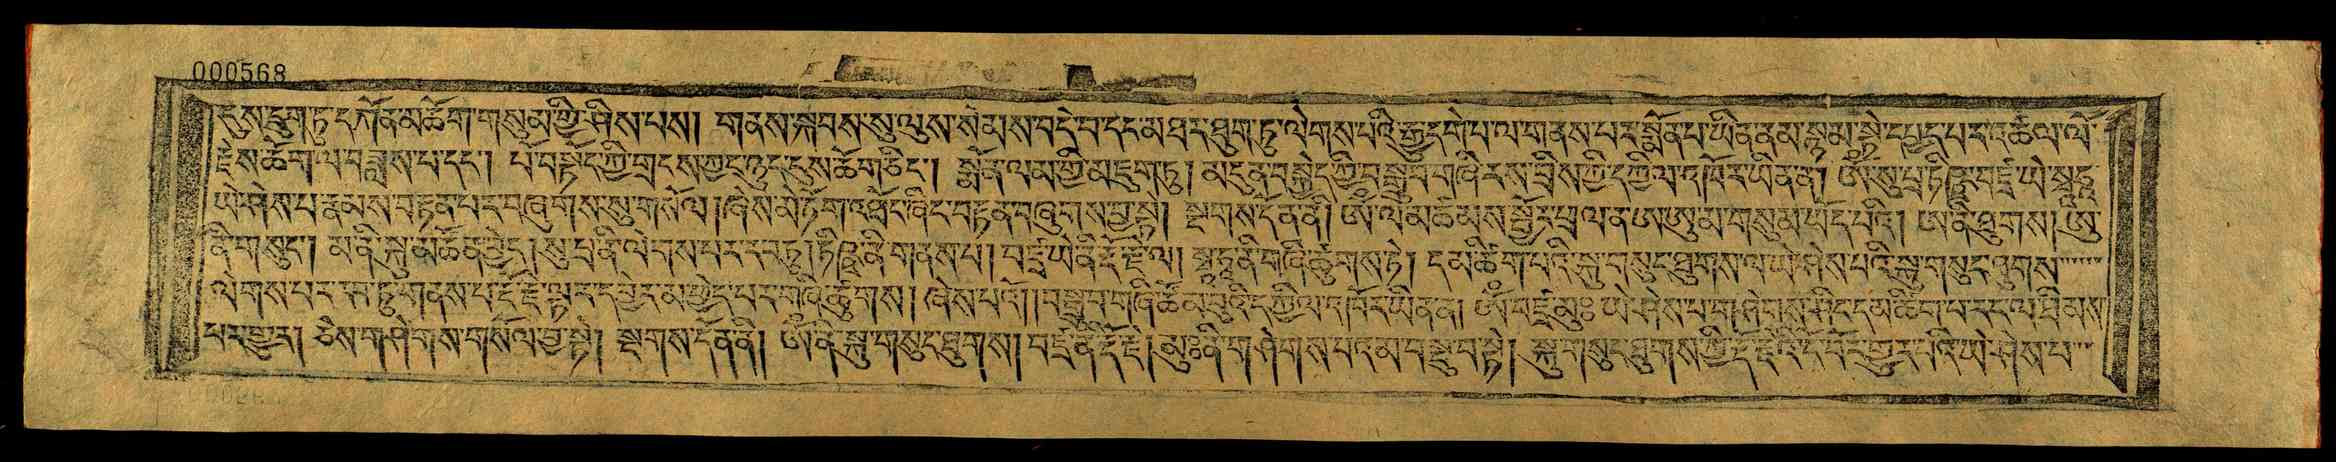དུས་དྲུག་ཏུ་དཀོན་མཆོག་གསུམ་གྱི་ཤིས་པས། གནས་སྐབས་སུ་ལུས་སེམས་བདེ་བ་དང་མཐར་ཐུག་ཏུ་ལེགས་པའི་རྒྱུ་དགེ་བ་ལ་གནས་པར་སྨོན་པ་ཡིན་ནམ་སྙམ་སྟེ་དཔྱད་པར་འཚལ་ལོ།
རྗེས་ཆོག་ལ་བཟླས་པ་དང་། པོ་བསྟོད་ཀྱི་གྲངས་ཀྱང་ཉུང་དུས་ཆོག་ཅིང་། སྨོན་ལམ་གྱི་མཇུག་ཏུ། མདུན་བསྐྱེད་ཀྱི་བསྒྲུབ་གཞི་རས་བྲིས་ཀྱི་དཀྱིལ་འཁོར་ཡིན་ན། ཨོཾ་སུ་པྲ་ཏིཥཊཿཨ་བཛྲ་ཡེ་སྭཱཧཱ།
ཡེ་ཤེས་པ་རྣམས་བརྟན་པར་བཞུགས་སུ་གསོལ། ཞེས་མེ་ཏོག་འཐོར་ཞིང་བརྟན་བཞུགས་བྱ་སྟེ། སྔགས་དོན་ནི། ཨོཾ་ལ་མཚམས་སྦྱོར་ཕྲལ་ན་ཨ་ཨུ་མ་གསུམ་ཡོད་པའི། ཨ་ནི་ཐུགས། ཨུ་
ནི་གསུང་། མ་ནི་སྐུ་མཚོན་བྱེད། སུ་པྲ་ནི་ལེགས་པར་རབ་ཏུ། ཏིཥཊཿཨ་ནི་གནས་པ། བཛྲ་ཡེ་ནི་རྡོ་རྗེ་ལ། སྭཱ་ཧཱ་ནི་གཞི་ཚུགས་ཏེ། དམ་ཚིག་པའི་སྐུ་གསུང་ཐུགས་ལ་ཡེ་ཤེས་པའི་སྐུ་གསུང་ཐུགས་
ལེགས་པར་རབ་ཏུ་གནས་པ་རྡོ་རྗེ་ལྟར་དབྱེར་མི་ཕྱེད་པར་གཞི་ཚུགས། ཞེས་པའོ། །བསྒྲུབ་གཞི་ཚོམ་བུའི་དཀྱིལ་འཁོར་ཡིན་ན། ཨོཾ་བཛྲ་མུཿ ཡེ་ཤེས་པ་གཤེགས་ཤིང་དམ་ཚིག་པ་རང་ལ་ཐིམས་
པར་གྱུར། ཅེས་གཤེགས་གསོལ་བྱ་སྟེ། སྔགས་དོན་ནི། ཨོཾ་ནི་སྐུ་གསུང་ཐུགས། བཛྲ་ནི་རྡོ་རྗེ། མུཿ ནི་གཤེགས་པ་འམ་བསྡུ་བ་སྟེ། སྐུ་གསུང་ཐུགས་ཀྱི་རྡོ་རྗེའི་ངོ་བོར་གྱུར་པའི་ཡེ་ཤེས་པ་